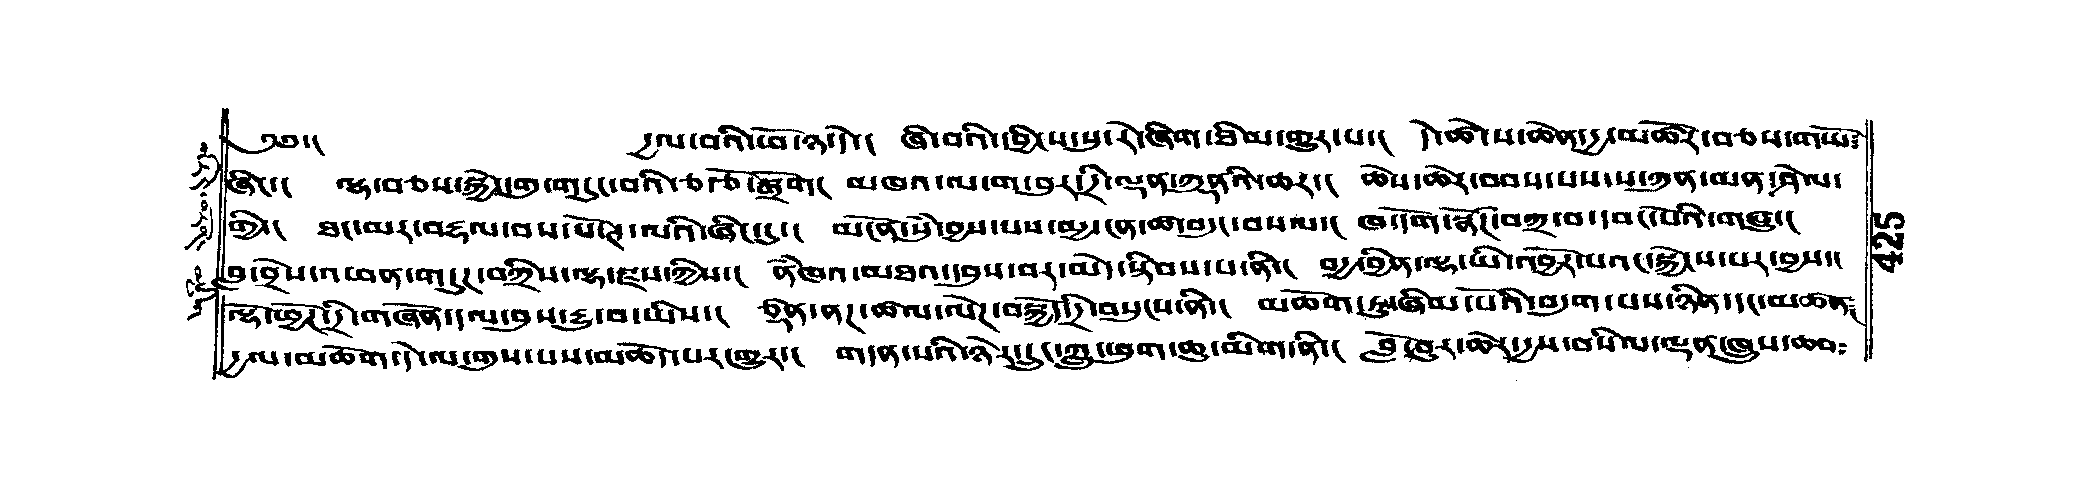རྒྱལ་བའི་ཕོ་ཉ་དེ། །ཞི་བའི་དབྱིངས་སུ་རེ་ཞིག་ཐིམ་གྱུར་པ། །དེ་ཚེ་ས་ཆེན་རྒྱ་མཚོར་བཅས་གཡོ་
ཞིང་། །ལྷར་བཅས་སྐྱེ་རྒུ་གདུང་བའི་ཅ་ཅོ་སྒྲོག །མཁའ་ལ་ག་བུར་དྲི་ལྡན་ཀུནྡའི་ཆར། །ཆེས་ཆེར་བབས་པས་ས་ཀུན་མན་ཤེལ་
གྱི། །ཐང་མར་བརྡལ་བས་པོ་ཊ་ལའི་ཞིང་དུ། །མངོན་སུམ་བྱས་པས་མྱ་ངན་ཚ་གདུང་བསལ། །ཁ་དོག་སྣ་ཚོགས་བཀྲ་བ་དབང་པོའི་གཞུ། །
བླ་བྲེ་འཕན་གདུགས་བཀྲ་ཤིས་ལྷ་རྫས་ཀྱིས། །ནམ་མཁའ་མཐའ་དབུས་བར་མེད་གཏིབས་པ་ནི། །བརྒྱ་བྱིན་ལྷ་ཡི་འབྱོར་པའང་སྐྱེངས་པར་བྱས། །
ལྷོ་ཕྱོགས་དྲི་གཞོན་དལ་བུས་རྒྱུ་བ་ཡིས། །ཙནྡན་ནགས་ཚལ་ལེགས་བསྐྱོད་དྲི་བསུང་ནི། །མཆོག་ཏུ་ཞིམ་པོའི་བདུག་པས་ཉིན་དང་མཚན། །
རྒྱལ་མཆོག་དེ་ལ་གུས་པས་མཆོད་པར་གྱུར། །གདན་སའི་ཉེར་དྲུང་ཀླུ་ཕུག་ཆུ་མིག་ནི། །བློ་བུར་ཆེར་རྒྱས་བསིལ་ལྡན་ཁྲུས་ཆབ་